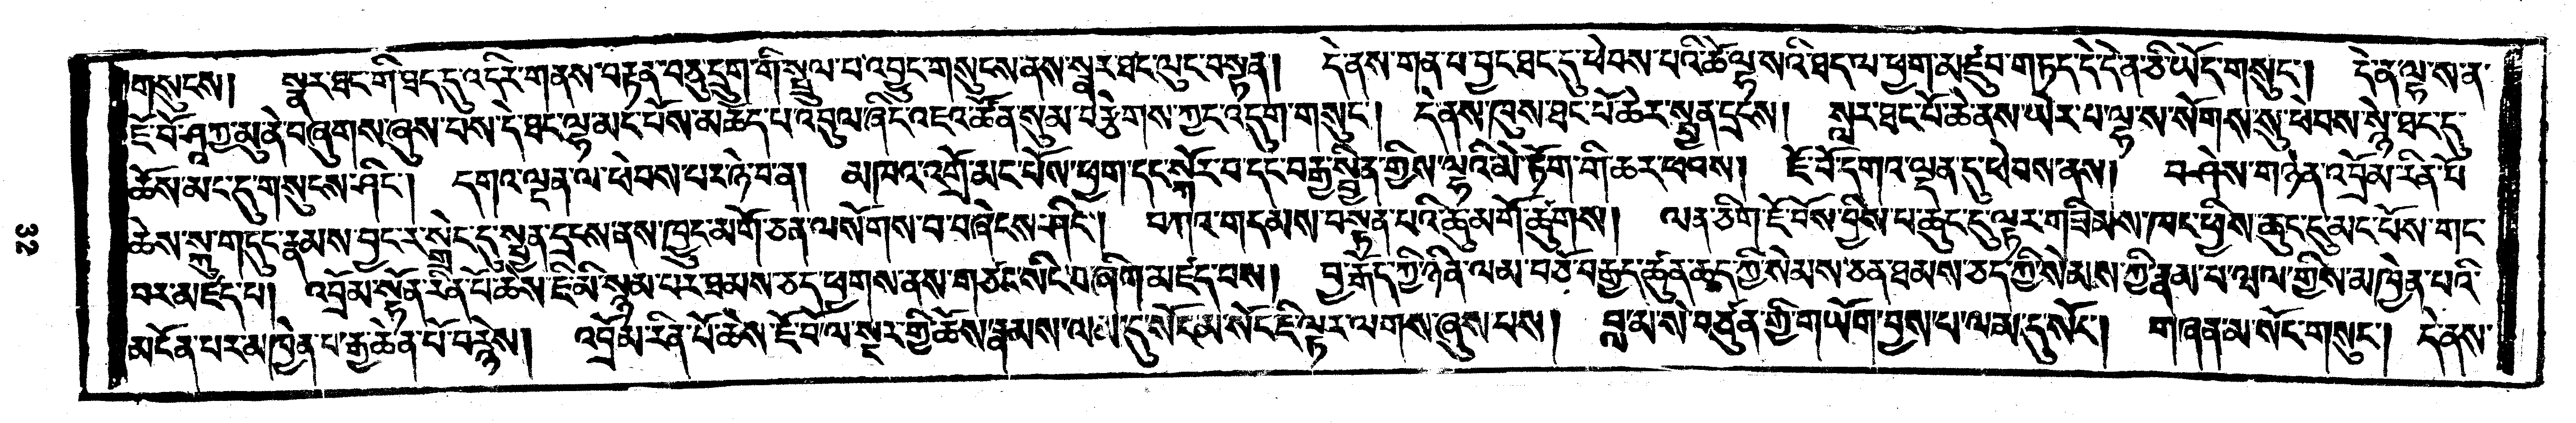གསུངས། སྣར་ཐང་གི་ཐད་དུ་འདིར་གནས་བརྟན་བཅུ་དྲུག་གི་སྤྲུལ་པ་འབྱུང་གསུངས་ནས་སྣར་ཐང་ལུང་བསྟན། དེ་ནས་གན་པ་བྱང་ཐང་དུ་ཕེབས་པའི་ཚེ་ལྷ་སའི་ཐད་ལ་ཕྱག་མཛུབ་གཏད་དེ་དེ་ན་ཅི་ཡོད་གསུང་། དེ་ན་ལྷ་ས་ན་
ཇོ་བོ་ཤཱཀྱ་མུ་ནེ་བཞུགས་ཞུས་པས་དེ་ཐང་ལྷ་མང་པོས་མཆོད་པ་འབུལ་ཞིང་འཇའ་ཚོན་སུམ་བརྩེགས་ཀྱང་འདུག་གསུང་། དེ་ནས་ཁུས་ཐང་པོ་ཆེར་སྤྱན་དྲངས། སླར་ཐང་པོ་ཆེ་ནས་ཡེར་པ་ལྷ་ས་སོགས་སུ་ཕེབས་སྙེ་ཐང་དུ་
ཆོས་མང་དུ་གསུངས་ཤིང་། དགའ་ལྡན་ལ་ཕེབས་པར་ཉེ་བ་ན། མཁའ་འགྲོ་མང་པོས་ཕྱག་དང་སྐོར་བ་དང་བརྒྱ་སྦྱིན་གྱིས་ལྷའི་མེ་ཏོག་གི་ཆར་ཕབས། ཇོ་བོ་དགའ་ལྡན་དུ་ཕེབས་ནས། བཤེས་གཉེན་འབྲོམ་རིན་པོ་
ཆེས་སྐུ་གདུང་རྣམས་བྱང་ར་སྒྲེང་དུ་སྤྱན་དྲངས་ནས་ཁྱུང་མགོ་ཅན་ལ་སོགས་པ་བཞེངས་ཤིང་། བཀའ་གདམས་བསྟན་པའི་ཆུ་མགོ་ཚུགས། ལན་ཅིག་ཇོ་བོས་བྱིས་པ་ཆུང་ངུ་ལྟར་གཟིམས་ཁང་ཕྱིས་ཆུང་ངུ་མང་པོས་གང་
བར་མཛད་པ། འབྲོམ་སྟོན་རིན་པོ་ཆེས་ཇི་མི་སྙམ་པར་ཐམས་ཅད་ཕྱགས་ནས་གཙང་སིང་བ་ཞིག་མཛད་པས། བྱ་རྒོད་ཀྱི་ཉིན་ལམ་བཅོ་བརྒྱད་ཚུན་ཆད་ཀྱི་སེམས་ཅན་ཐམས་ཅད་ཀྱི་སེམས་ཀྱི་རྣམ་པ་ཝལ་གྱིས་མཁྱེན་པའི་
མངོན་པར་མཁྱེན་པ་རྒྱ་ཆེན་པོ་བརྙེས། འབྲོམ་རིན་པོ་ཆེས་ཇོ་བོ་ལ་སྔར་གྱི་ཆོས་རྣམས་ལམ་དུ་སོང་མ་སོང་ཇི་ལྟར་ལགས་ཞུས་པས། བླ་མ་སེ་བཙུན་གྱི་གཡོག་བྱས་པ་ལམ་དུ་སོང་། གཞན་མ་སོང་གསུང་། དེ་ནས་